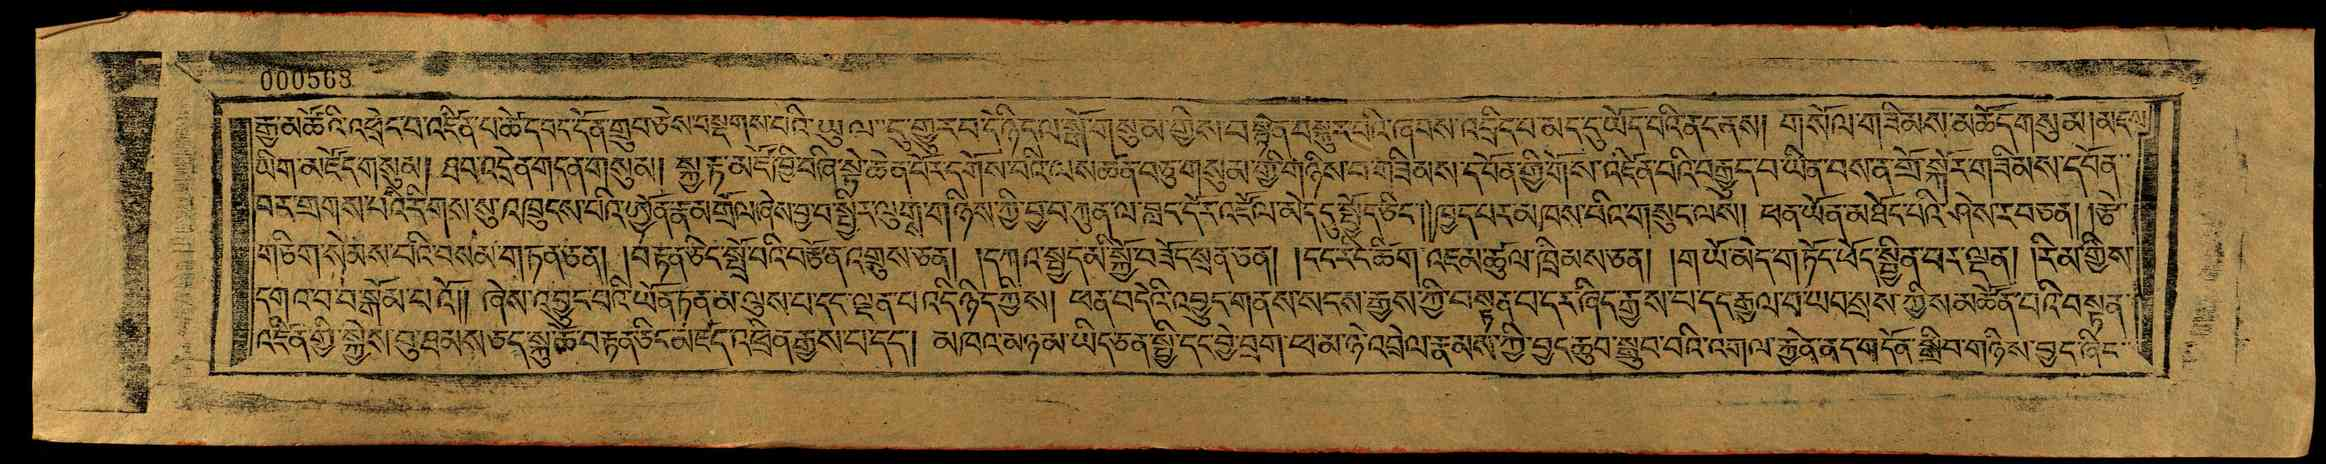རྒྱ་མཚོའི་འཕྲེང་བ་འཛིན་པ་ཚེ་དབང་དོན་གྲུབ་ཅེས་བསྔགས་བའི་ཡུལ་དུ་གྱུར་པ་དེ་ཉིད་ལ་སྒོ་གསུམ་གྱིས་བསྙེན་བཀུར་བའི་ཞབས་འབྲིང་པ་མང་དུ་ཡོད་པའི་ནང་ནས། གསོལ་གཟིམས་མཆོད་གསུམ། མཇལ་
ཡིག་མཛོད་གསུམ། ཐབ་འདྲེན་གདན་གསུམ། སྐྱ་རྟ་མཛོ་ཁྱི་བཞི་སྟེ་ཆེན་པོར་དགོས་པའི་ལས་ཚན་བཅུ་གསུམ་གྱི་གཉིས་པ་གཟིམས་དཔོན་གྱི་གོ་ས་འཛིན་པའི་བརྒྱུད་པ་ཡིན་པས་ན་གྲོ་སྐོར་གཟིམས་དཔོན་
བར་གྲགས་པའི་རིགས་སུ་འཁྲུངས་པའི་ཨཡོན་རྣམ་གྲོལ་ཞེས་བྱ་བ་སྤྱིར་ལུགས་གཉིས་ཀྱི་བྱ་བ་ཀུན་ལ་བླང་དོར་འཛོལ་མེད་དུ་སྤྱོད་ཅིང་། །ཁྱད་པར་མཁས་བའི་གསུང་ལས། ཕན་ཡོན་མཐོང་བའི་ཤེས་རབ་ཅན། །རྩེ་
གཅིག་སེམས་པའི་བསམ་གཏན་ཅན། །བརྟན་ཅིང་སྤྲོ་བའི་བརྩོན་འགྲུས་ཅན། །དཀའ་སྤྱད་མི་སྐྱོ་བཟོད་སྲང་ཅན། །ངང་རིང་ཚིག་འཇམ་ཚུལ་ཁྲིམས་ཅན། །གཡོ་མེད་གཏོད་ཕོད་སྦྱིན་པར་ལྡན། །རིམ་གྱིས་
དགའ་བ་བསྒོམ་པའོ།། ཞེས་འབྱུང་པའི་ཡོན་ཏན་མ་ལུས་པ་དང་ལྡན་པ་འདི་ཉིད་ཀྱིས། ཕན་བདེའི་འབྱུང་གནས་སངས་རྒྱས་ཀྱི་བསྟན་པ་དར་ཞིང་རྒྱས་པ་དང་རྒྱལ་བ་ཡབ་སྲས་ཀྱིས་མཚོན་པའི་བསྟན་
འཛིན་གྱི་སྐྱེས་བུ་ཐམས་ཅད་སྐུ་ཚེ་བརྟན་ཅིང་མཛད་འཕྲིན་རྒྱས་པ་དང་། མཁའ་མཉམ་ཡིད་ཅན་སྤྱི་དང་བྱེ་བྲག་ཕ་མ་ཉེ་འབྲེལ་རྣམས་ཀྱི་བྱང་ཆུབ་སྒྲུབ་པའི་འགལ་རྐྱེན་ནང་གདོན་སྒྲིབ་གཉིས་བྱང་ཞིང་